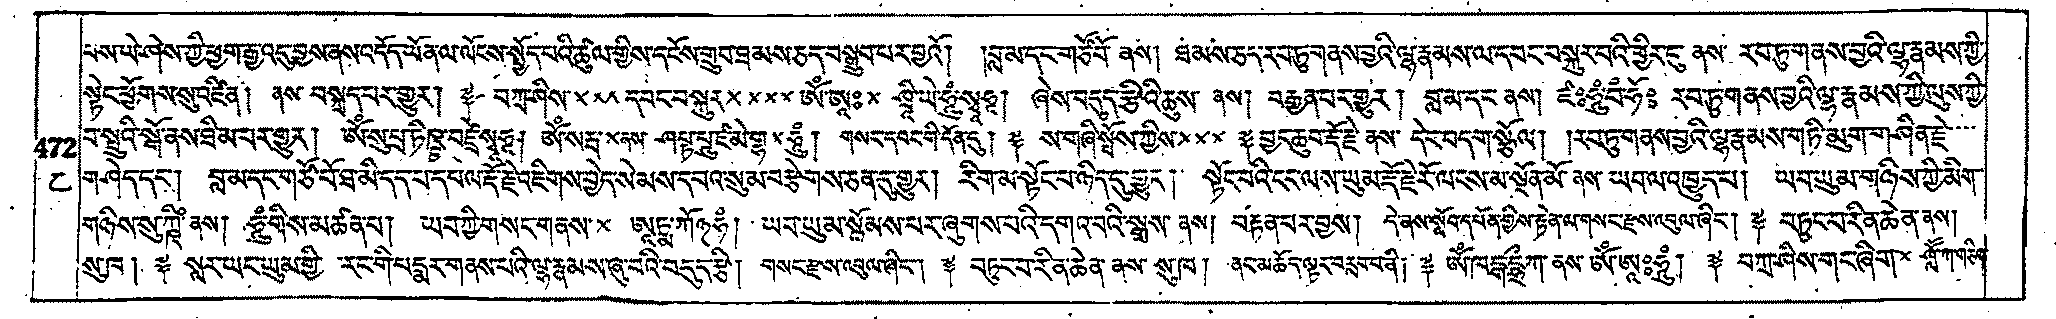པས་ཡེ་ཤེས་ཀྱི་ཕྱག་རྒྱ་འདུ་བྱས་ནས་འདོད་ཡོན་ལ་ལོངས་སྤྱོད་པའི་ཚུལ་གྱིས་དངོས་གྲུབ་ཐམས་ཅད་བསྒྲུབ་པར་བྱའོ། །བླ་མ་དང་གཙོ་བོ་ནས།  ཐམས་ཅད་རབ་ཏུ་གནས་བྱའི་ལྷ་རྣམས་ལ་དབང་བསྐུར་བའི་ཕྱིར་དུ་ནས་རབ་ཏུ་གནས་བྱའི་ལྷ་རྣམས་ཀྱི་
སྟེང་ཕྱོགས་སུ་འཛིན། ནས་བསྐྲད་པར་གྱུར། འ་བཀྲ་ཤིས་྾་྾་྾་དབང་བསྐུར་྾་྾་྾་ཨོཾ་ཨཱཿ ྾་ཤྲཱི་ཡེ་ཧཱུཾ་སྭཱཧཱ། ཞེས་བདུད་རྩིའི་ཆུས་ནས།  བརྒྱན་པར་གྱུར། བླ་མ་དང་ནས།  ཛཿཧཱུཾ་བཾ་ཧོཿ རབ་ཏུ་གནས་བྱའི་ལྷ་རྣམས་ཀྱི་ལུས་ཀྱི་
བ་སྤུའི་སྒོ་ནས་ཐིམ་པར་གྱུར། ཨོཾ་སུ་པྲ་ཏིཥཊཿཨ་བཛྲེ་སྭཱཧཱ། ཨོཾ་སརྦ་྾་ནས་ཤཔྟ་པཱུ་ཛ་མེ་གྷ་྾་ཧཱུཾ། གསང་དབང་གི་དོན་དུ།  འ་ས་གཞི་སྤོས་ཀྱིས་྾་྾་྾་འ་བྱང་ཆུབ་རྡོ་རྗེ་ནས་དེང་བདག་སྩོལ། །རབ་ཏུ་གནས་བྱའི་ལྷ་རྣམས་གཏི་མུག་གཤིན་རྗེ་
གཤེད་དང་། བླ་མ་དང་གཙོ་བོ་ཐ་མི་དད་པ་དཔལ་རྡོ་རྗེ་འཇིགས་བྱེད་སེམས་དཔའ་སུམ་བརྩེགས་ཅན་དུ་གྱུར། རིག་མ་སྟོང་པ་ཉིད་དུ་གྱུར། སྟོང་པའི་ངང་ལས་ཡུམ་རྡོ་རྗེ་རོ་ལངས་མ་སྔོན་མོ་ནས་ཡབ་ལ་འཁྱུད་པ། ཡབ་ཡུམ་གཉིས་ཀྱི་མིག་
གཉིས་སུ་ཀྵིཾ་ནས།  ཧཱུཾ་གིས་མཚན་པ། ཡབ་ཀྱི་གསང་གནས་྾་ཨཱཏྨ་ཀོཉཧཾ། ཡབ་ཡུམ་སྙོམས་པར་ཞུགས་པའི་དགའ་བའི་སྒྲས་ནས།  བརྟན་པར་བྱས། དེ་ནས་སློབ་དཔོན་གྱིས་རྟེན་ལ་གསང་རྫས་འབུལ་ཞིང་།  འ་བཏུང་བ་རིན་ཆེན་ནས།
སུ་ཁ། འ་སླར་ཡང་ཡུམ་གྱི་རང་གི་པདམར་གནས་པའི་ལྷ་རྣམས་ཞུ་བའི་བདུད་རྩི། གསང་རྫས་འབུལ་ཞིང་།  འ་བཏུང་བ་རིན་ཆེན་ནས་སུ་ཁ། ནང་མཆོད་ལྟར་བརླབ་པ་ནི།  འ་ཨོཾ་ཁངྒ་དྷྲྀ་ཀ་ནས་ཨོཾ་ཨཱཿཧཱུཾ། འབྐྲ་ཤིས་གང་ཞིག་྾་ཤླཽ་ཀ་གཅིག་